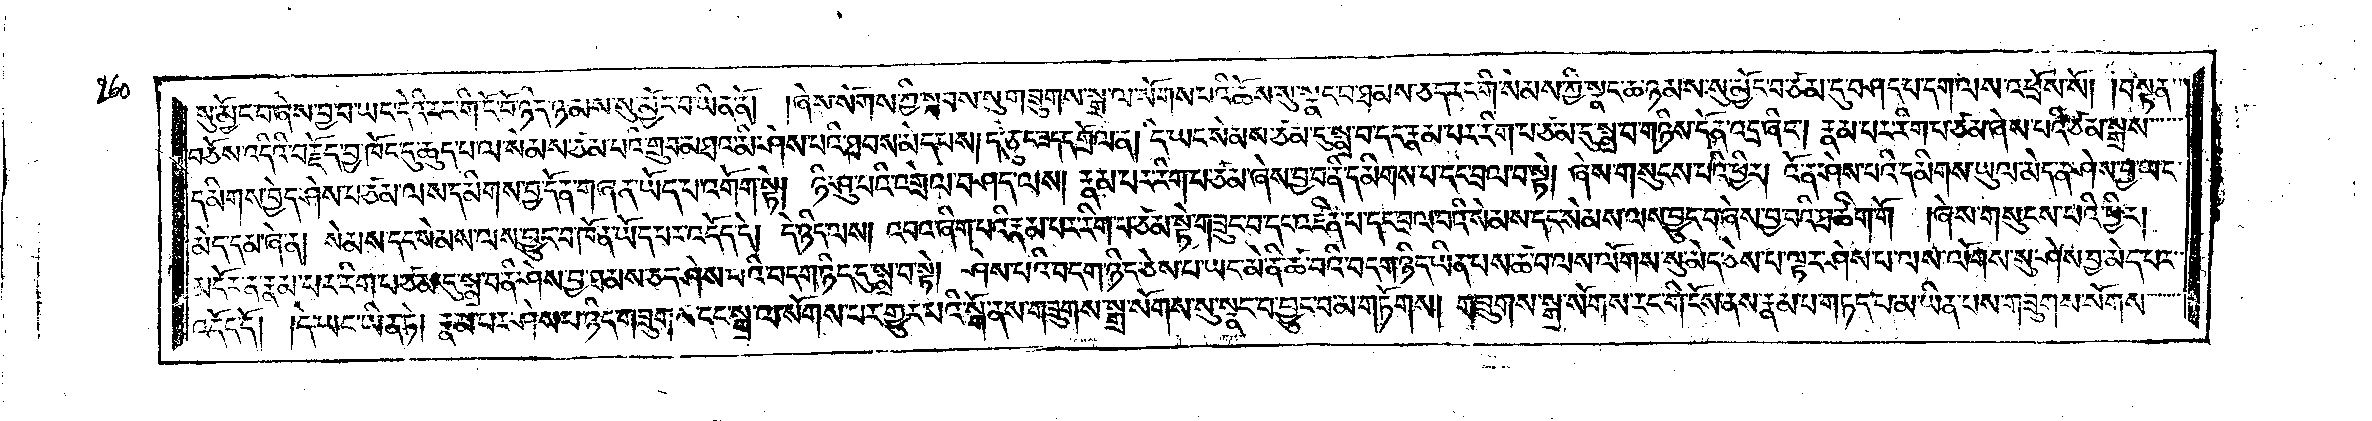སུ་མྱོང་བ་ཞེས་བྱ་བ་ཡང་དེའི་རང་གི་ངོ་བོ་ཉིད་ཉམས་སུ་མྱོང་བ་ཡིན་ནོ། །ཞེས་སོགས་ཀྱི་སྐབས་སུ་གཟུགས་སྒྲ་ལ་སོགས་པའི་ཆོས་སུ་སྣང་བ་ཐམས་ཅད་རང་གི་སེམས་ཀྱི་སྣང་ཆ་ཉམས་སུ་མྱོང་བ་ཙམ་དུ་བཤད་པ་དག་ལས་འཕྲོས་སོ། །བསྟན་
བཅོས་འདིའི་བརྗོད་བྱ་ཁོང་དུ་ཆུད་པ་ལ་སེམས་ཙམ་པའི་གྲུབ་མཐའ་མི་ཤེས་པའི་ཐབས་མེད་པས། དེ་ཅུང་ཟད་གྲོལ་ན། དེ་ཡང་སེམས་ཙམ་དུ་སྨྲ་བ་དང་རྣམ་པར་རིག་པ་ཙམ་དུ་སྨྲ་བ་གཉིས་དོན་འདྲ་ཞིང་། རྣམ་པར་རིག་པ་ཙམ་ཞེས་པའི་ཙམ་སྒྲས་
དམིགས་བྱེད་ཤེས་པ་ཙམ་ལས་དམིགས་བྱ་དོན་གཞན་ཡོད་པ་འགོག་སྟེ། ཉི་ཤུ་པའི་འགྲེལ་བཤད་ལས། རྣམ་པར་རིག་པ་ཙམ་ཞེས་བྱ་བ་ནི་དམིགས་པ་དང་བྲལ་བ་སྟེ། ཞེས་གསུངས་པའི་ཕྱིར། འོ་ན་ཤེས་པའི་དམིགས་ཡུལ་མེད་ན་ཤེས་བྱ་ཡང་
མེད་དམ་ཞེ་ན། སེམས་དང་སེམས་ལས་བྱུང་བ་ཁོ་ན་ཡོད་པར་འདོད་དེ། དེ་ཉིད་ལས། འབའ་ཞིག་པའི་རྣམ་པར་རིག་པ་ཙམ་སྟེ་གཟུང་བ་དང་འཛིན་པ་དང་བྲལ་བའི་སེམས་དང་སེམས་ལས་བྱུང་བ་ཞེས་བྱ་བའི་ཐ་ཚིག་གོ །ཞེས་གསུངས་པའི་ཕྱིར།
མདོར་ན་རྣམ་པར་རིག་པ་ཙམ་དུ་སྨྲ་བ་ནི་ཤེས་བྱ་ཐམས་ཅད་ཤེས་པའི་བདག་ཉིད་དུ་སྨྲ་བ་སྟེ། ཤེས་པའི་བདག་ཉིད་ཅེས་པ་ཡང་མེ་ནི་ཚ་བའི་བདག་ཉིད་ཡིན་པས་ཚ་བ་ལས་ལོགས་སུ་མེད་ཅེས་པ་ལྟར་ཤེས་པ་ལས་ལོགས་སུ་ཤེས་བྱ་མེད་པར་
འདོད་དོ། །དེ་ཡང་ཡིན་ཏེ། རྣམ་པར་ཤེས་པ་ཉིད་གཟུགས་དང་སྒྲ་ལ་སོགས་པར་གྱུར་པའི་སྒོ་ནས་གཟུགས་སྒྲ་སོགས་སུ་སྣང་བ་བྱུང་བ་མ་གཏོགས། གཟུགས་སྒྲ་སོགས་རང་གི་ངོས་ནས་རྣམ་པ་གཏད་པ་མ་ཡིན་པས་གཟུགས་སོགས་